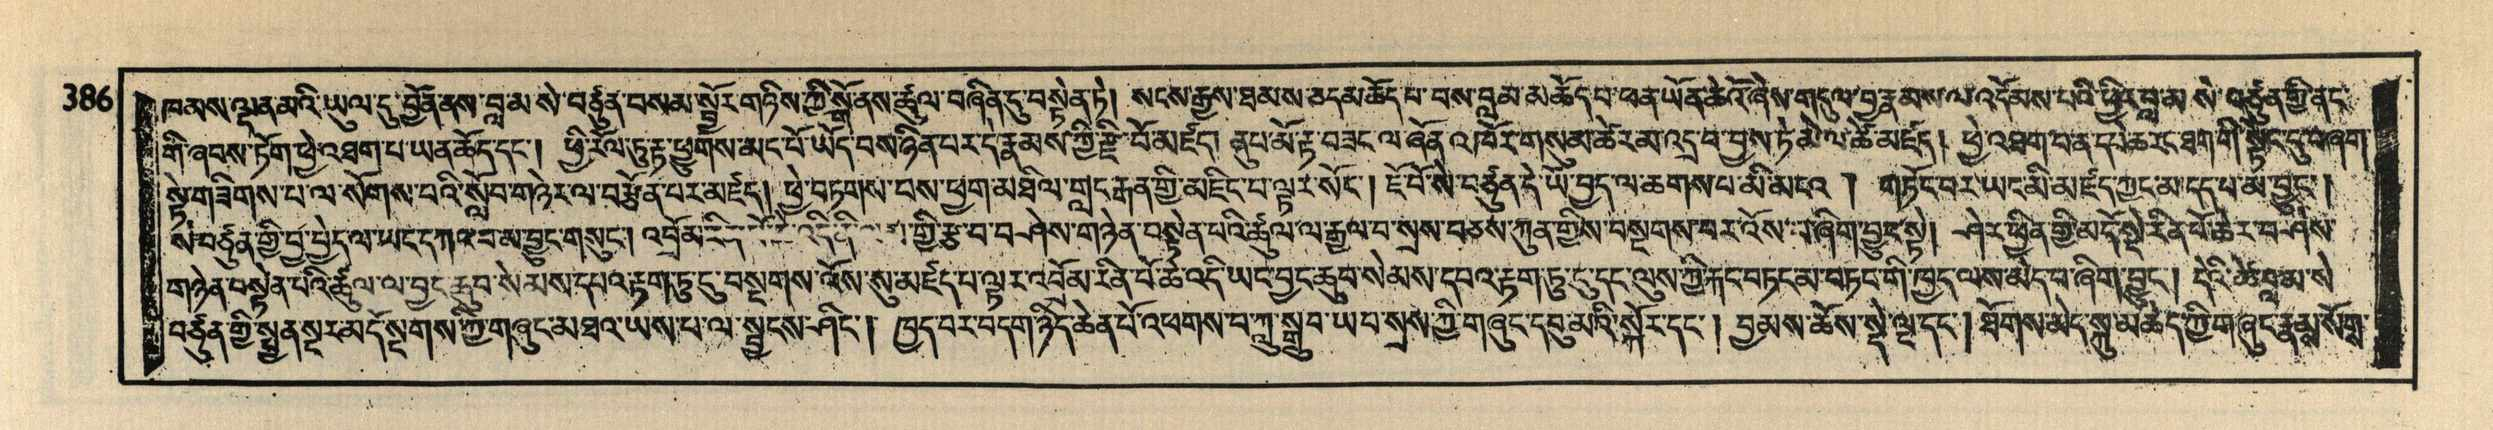ཁམས་ལྡན་མའི་ཡུལ་དུ་བྱོན་ནས་བླ་མ་སེ་བཙུན་བསམ་སྦྱོར་གཉིས་ཀྱི་སྒོ་ནས་ཚུལ་བཞིན་དུ་བསྟེན་ཏེ། སངས་རྒྱས་ཐམས་ཅད་མཆོད་པ་བས་བླ་མ་མཆོད་པ་ཕན་ཡོན་ཆེའོ་ཞེས་གདུལ་བྱ་རྣམས་ལ་འདོམས་པའི་ཕྱིར་བླ་མ་སེ་བཙུན་གྱི་ནང་
གི་ཞབས་ཏོག་ཕྱེ་འཐག་པ་ཡན་ཆོད་དང་། ཕྱི་རོལ་ཏུ་རྟ་ཕྱུགས་མང་པོ་ཡོད་པས་ཉིན་བར་དེ་རྣམས་ཀྱི་རྫི་བོ་མཛད། ནུབ་མོ་རྟ་བཟང་ལ་ཞོན་འཁོར་གསུམ་ཚེར་མ་འདྲ་བ་བྱས་ཏེ་མེ་ལ་ཚེ་མཛད། ཕྱེ་འཐག་བ་ན་དཔེ་ཆ་རང་ཐག་གི་སྟེང་དུ་བཞག་
སྟེ་གཟིགས་པ་ལ་སོགས་པའི་སློབ་གཉེར་ལ་བརྩོན་པར་མཛད། ཕྱེ་བཏགས་པས་ཕྱག་མཐིལ་གླང་རྒན་གྱི་མཇིང་པ་ལྟར་སོང་། ཇོ་བོ་སེ་བཙུན་དེ་ཡོ་བྱད་ལ་ཆགས་པ་མི་མངའ། གཏོང་བར་ཡང་མི་མཛད་ཀྱང་མ་དད་པ་མ་བྱུང་།
སེ་བཙུན་གྱི་བྱ་བྱེད་ལ་ཡང་དཀའ་བ་མ་བྱུང་གསུང་། འབྲོམ་རིན་པོ་ཆེ་འདི་ནི་ལས་གྱི་རྩ་བ་བཤེས་གཉེན་བསྟེན་པའི་ཚུལ་ལ་རྒྱལ་བ་སྲས་བཅས་ཀུན་གྱིས་བསྔགས་པར་འོས་པ་ཞིག་བྱུང་སྟེ། ཤེར་ཕྱིན་གྱི་མདོ་སྡེ་རིན་པོ་ཆེར་བ་ཤེས་
གཉེན་བསྟེན་པའི་ཚུལ་ལ་བྱང་ཆུབ་སེམས་དཔའ་རྟག་ཏུ་དུ་བསྔགས་འོས་སུ་མཛད་པ་ལྟར་འབྲོམ་རིན་པོ་ཆེ་འདི་ཡང་བྱང་ཆུབ་སེམས་དཔའ་རྟག་ཏུ་དུ་དང་ལུས་ཀྱི་རྐང་བཏང་མ་བཏབ་གི་ཁྱད་ལས་མེད་བ་ཞིག་བྱུང་། དེའི་ཚེ་བླ་མ་སེ་
བཙུན་གྱི་སྤྱན་སྔར་མདོ་སྔགས་ཀྱི་གཞུང་མཐའ་ཡས་པ་ལ་སྦྱངས་ཤིང་། ཁྱད་བར་བདག་ཉིད་ཆེན་པོ་འཕགས་བ་ཀླུ་སྒྲུབ་ཡབ་སྲས་ཀྱི་གཞུང་དབུ་མའི་སྐོར་དང་། བྱམས་ཆོས་སྡེ་ལྔ་དང་། ཐོགས་མེད་སྐུ་མཆེད་ཀྱི་གཞུང་རྣམས་སོགས་